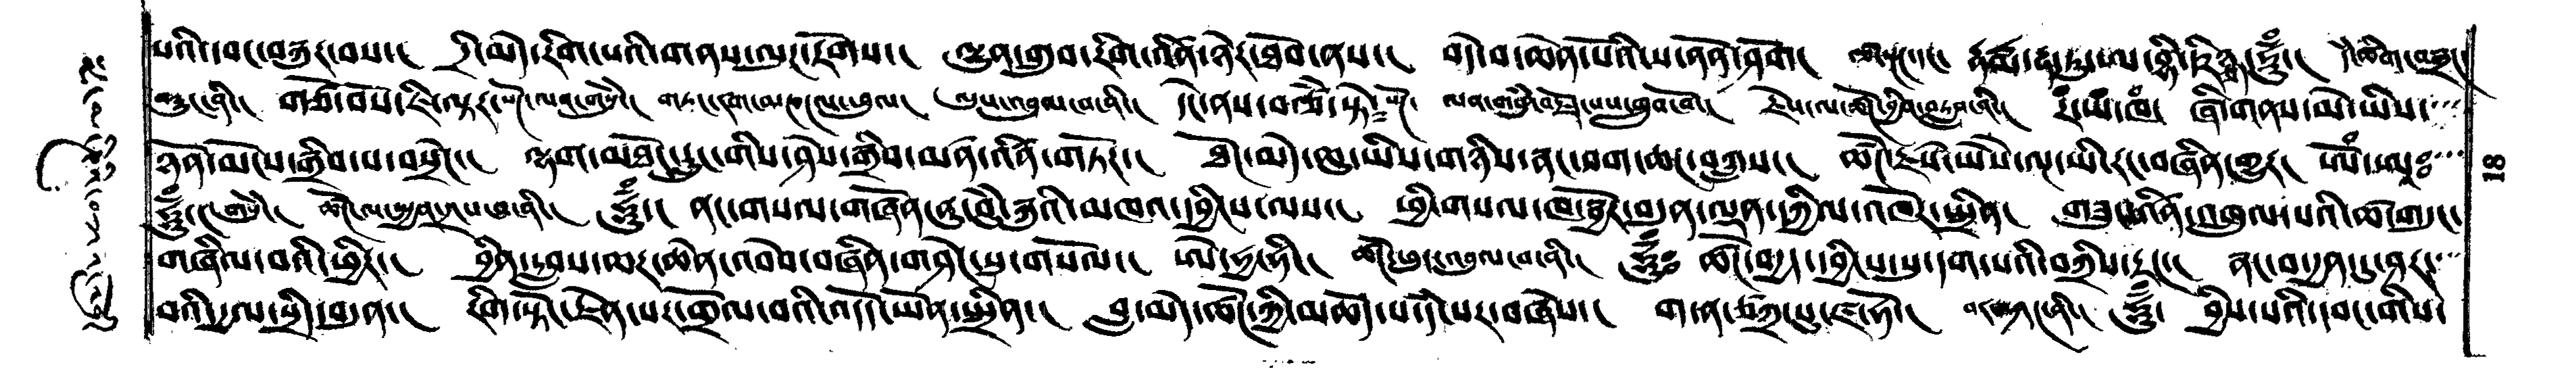པའི་དབང་བསྐུར་བས། །དྲི་མེད་རིག་པའི་གནས་ལུགས་རྟོགས། །ལྷུན་གྲུབ་རིག་འཛིན་ཉེར་ཐོབ་ནས། །བདེ་བ་ཆེན་པོའི་ས་ནོན་ཤོག །རྩ་སྔགས་དང་། དྷརྨ་དྷ་ཏུ་ཨ་བྷི་རིཉྩ་ཧཱུྃ། དམ་ཚིག་བསྒྲགས་
བཟུང་ནི། གཙོ་བོས་ཇི་ལྟར༴ སོགས་ལན་གསུམ། གཏང་རག་མཎྜལ་ཕུལ། ལུས་འབུལ་བ་ནི། དེང་ནས་བརྩམ་སྟེ༴ སོགས། ལན་གསུམ་བརྗོད་པས་གྲུབ་བོ། རྗེས་ལ་ཚོགས་བྱིན་བརླབ་ན ི ། རཾ་ཡཾ་ཁཾ། ཞི་གནས་མེ་ཡིས་
ཉོན་མོངས་སྒྲིབ་པ་བསྲེགས། །ལྷག་མཐོང་རླུང་གིས་ཤེས་སྒྲིབ་མཚན་འཛིན་གཏོར། །ཐོགས་མེད་ཆུ་ཡིས་གཉིས་སྣང་བག་ཆགས་བཀྲུས། །ཚོགས་རྫས་ཡེ་ཤེས་ལྔ་ཡི་རང་བཞིན་གྱུར། ཨོཾ་ཨཱཿ
ཧཱུྃ། གསུམ། ཚོགས་ལ་སྤྱན་འདྲེན་པ་ནི། ཧཱུྃ། ནང་གསལ་གཞོན་ནུ་བུམ་སྐུའི་མཁའ་དབྱིངས་ལས། །ཕྱི་གསལ་ཁ་སྦྱོར་བདུན་ལྡན་དཀྱིལ་འཁོར་སྤྲིན། །གཟུང་འཛིན་འཁྲུལ་པའི་ཚ་གདུང་
གཞིལ་བའི་ཕྱིར། །བྱིན་རླབས་ཆར་ཆེན་འབེབས་བཞིན་གཤེགས་སུ་གསོལ། ཨེ་ཧྱ་ཧིཿ ཚོགས་ཕུད་འབུལ་བ་ནི། ཧཱུྃ། ཚོགས་བརྒྱད་དབྱིངས་སུ་དག་པའི་བཀྲ་ཤིས་རྟགས། །སྣང་བ་རྒྱན་དུ་ཤར་
བའི་རྒྱལ་སྲིད་བདུན། །རིག་སྟོང་རྗེན་པར་གྲོལ་བའི་འདོད་ཡོན་སྤྲིན། །བླ་མེད་ཚོགས་ཀྱི་མཆོད་པ་དམ་པར་བཞེས། གཱན་ཙཀྲ་པཱུ་ཛ་ཧོཿ བར་བཤགས་ནི། ཧཱུྃ། བྱིས་པའི་དབང་གིས་